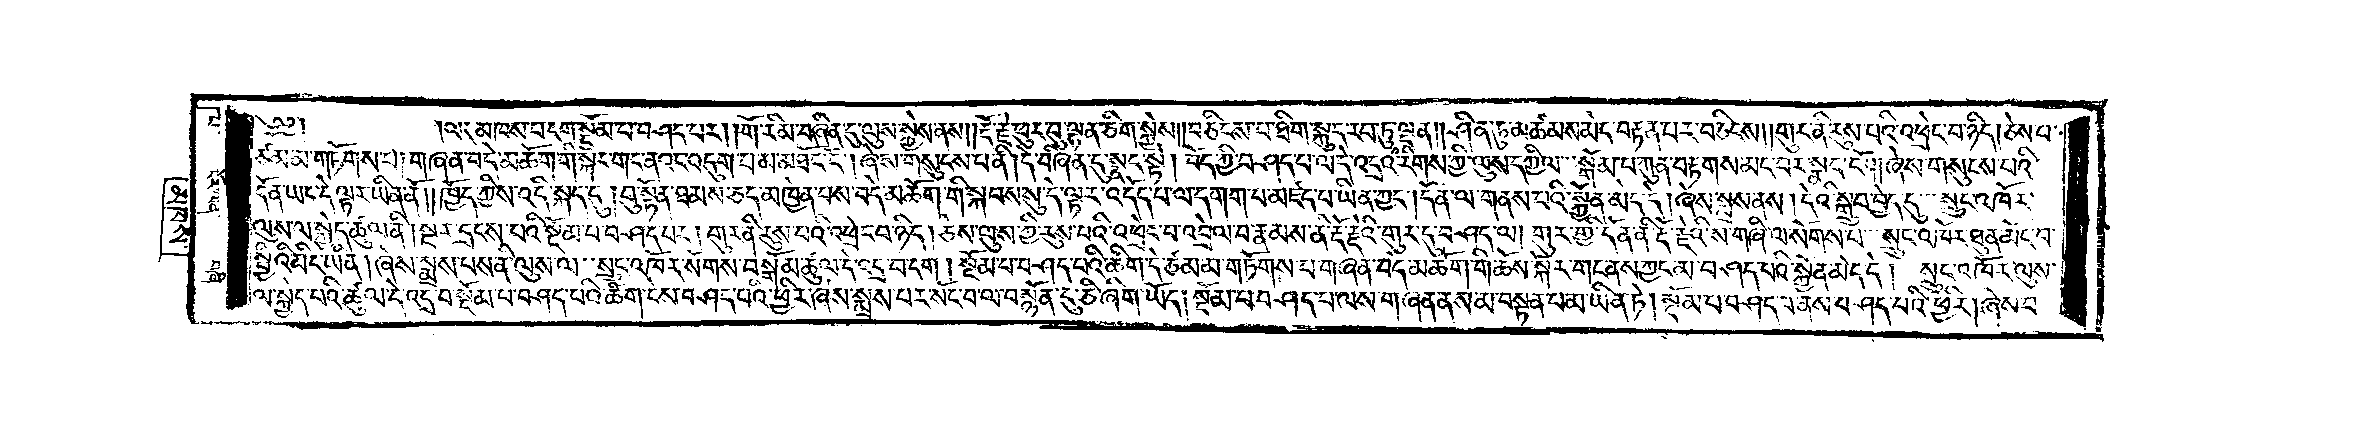༄༅། །ལ། མཁས་པ་དག་སྡོམ་པ་བཤད་པར། །གོ་རིམ་བཞིན་དུ་ལུས་སྐྱེས་ནས། །རྡོ་རྗེ་ཕུར་བུ་ལྷན་ཅིག་སྐྱེས། །བཅིངས་པ་ཐིག་སྐུད་རབ་ཏུ་ལྡན། །ཤིན་ཏུ་མཚམས་མེད་བརྟན་པར་བཅིངས། །གུར་ནི་རུས་པའི་འཕྲེང་བ་ཉིད། ཅེས་པ་
ཙམ་མ་གཏོགས་པ། གཞན་བདེ་མཆོག་གི་སྐོར་གང་ནའང་འདུག་པ་མ་མཐོང་ངོ། ཞེས་གསུངས་པ་ནི། དེ་བཞིན་དུ་སྣང་སྟེ། བོད་ཀྱི་བཤད་པ་ལ་དེ་འདྲའི་རིགས་ཀྱི་ལུས་དཀྱིལ་སྒོམ་པ་ཀུན་བརྟགས་མང་བར་སྣང་ངོ། །ཞེས་གསུངས་པའི་
དོན་ཡང་དེ་ལྟར་ཡིན་ནོ། །ཁྱོད་ཀྱིས་འདི་སྐད་དུ། བུ་སྟོན་ཐམས་ཅད་མཁྱེན་པས་བདེ་མཆོག་གི་སྐབས་སུ་དེ་ལྟར་འདོད་པ་ལ་དགག་པ་མཛད་པ་ཡིན་ཀྱང་། དོན་ལ་གནས་པའི་སྐྱོན་མེད་དེ། ཞེས་སྨྲས་ནས། དེའི་སྒྲུབ་བྱེད་དུ་སྲུང་འཁོར་
ལུས་ལ་སྐྱེད་ཚུལ་ནི། སྔར་དྲངས་བའི་སྡོམ་པ་བཤད་པར། གུར་ནི་རུས་པའི་འཕྲེང་བ་ཉིད། ཅེས་ལུས་ཀྱི་རུས་པའི་འཕྲེང་བ་འབྲེལ་བ་རྣམས་ནི་རྡོ་རྗེའི་གུར་དུ་བཤད་ལ། གུར་གྱི་དོན་ནི་རྡོ་རྗེའི་ས་གཞི་ལ་སོགས་པ་སྲུང་འཁོར་ཐུན་མོང་བ་
སྤྱིའི་མིང་ཡིན། ཞེས་སྨྲས་པས་ནི་ལུས་ལ་སྲུང་འཁོར་སོགས་བསྒོམ་ཚུལ་དེ་འདྲ་བ་དག། སྡོམ་པ་བཤད་པའི་ཚིག་དེ་ཙམ་མ་གཏོགས་པ་གཞན་བདེ་མཆོག་གི་ཆོས་སྐོར་གང་ནས་ཀྱང་མ་བཤད་པའི་སྐྱོན་མེད་དེ། སྲུང་འཁོར་ལུས་
ལ་སྐྱེད་པའི་ཚུལ་དེ་འདྲ་བ་སྡོམ་པ་བཤད་པའི་ཚིག་ངེས་བཤད་པའི་ཕྱིར་ཞེས་སྨྲས་པར་སོང་བ་ལ་བསྙོན་དུ་ཅི་ཞིག་ཡོད། སྡོམ་པ་བཤད་པ་ལས་གཞན་ནས་མ་བསྟན་པ་མ་ཡིན་ཏེ། སྡོམ་པ་བཤད་པ་ནས་བཤད་པའི་ཕྱིར། ཞེས་པ་